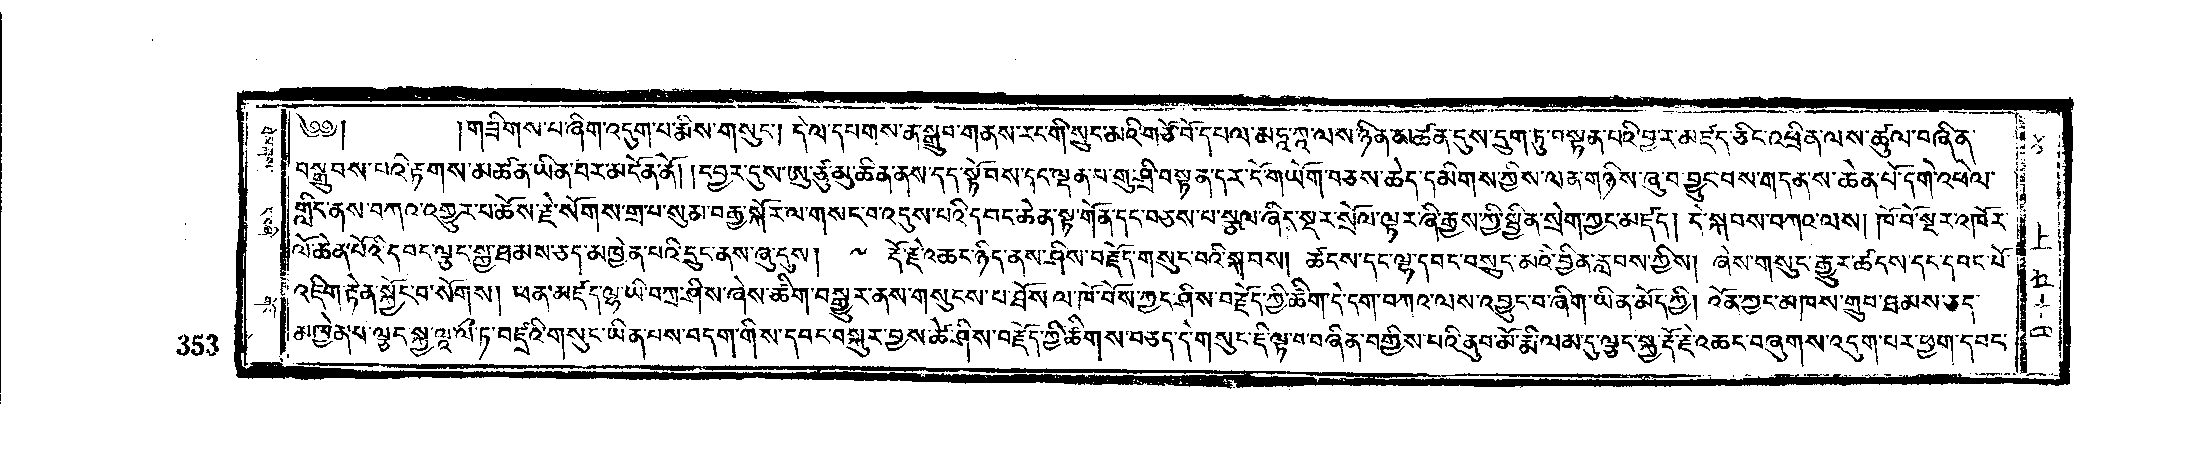༄༅། །གཟིགས་པ་ཞིག་འདུག་པ་རྨིས་གསུང་། དེ་ལ་དཔགས་ན་སྒྲུབ་གནས་རང་གི་སྲུང་མའི་གཙོ་བོ་དཔལ་མཧཱ་ཀཱ་ལས་ཉིན་མཚན་དུས་དྲུག་ཏུ་བསྟན་པའི་བྱ་ར་མཛད་ཅིང་འཕྲིན་ལས་ཚུལ་བཞིན་
བསྒྲུབས་པའི་རྟགས་མཚན་ཡིན་པར་མངོན་ནོ། །དབྱར་དུས་ཨུ་ཙུ་མུ་ཆིན་ནས་དད་སྟོབས་དང་ལྡན་པ་གུ་ཤྲི་བསྟན་དར་ངོ་གཡོག་བཅས་ཆེད་དམིགས་ཀྱིས་ལན་གཉིས་ཞུ་བ་བྱུང་བས་གདན་ས་ཆེན་པོ་དགེ་འཕེལ་
གླིང་ནས་བཀའ་འགྱུར་པ་ཆོས་རྗེ་སོགས་གྲ་པ་སུམ་བརྒྱ་སྐོར་ལ་གསང་བ་འདུས་པའི་དབང་ཆེན་སྟ་གོན་དང་བཅས་པ་སྩལ་ཞིང་སྔར་སྲོལ་ལྟར་ཞི་རྒྱས་ཀྱི་སྦྱིན་སྲེག་ཀྱང་མཛད། དེ་སྐབས་བཀའ་ལས། ཁོ་བོ་སྔར་འཁོར་
ལོ་ཆེན་པོའི་དབང་ལྕང་སྐྱ་ཐམས་ཅད་མཁྱེན་པའི་དྲུང་ནས་ཞུ་དུས། ༧་རྡོ་རྗེ་འཆང་ཉིད་ནས་ཤིས་བརྗོད་གསུང་བའི་སྐབས། ཚངས་དང་ལྷ་དབང་བསྲུང་མའི་བྱིན་རླབས་ཀྱིས། ཞེས་གསུང་རྒྱུར་ཚངས་དང་དབང་པོ་
འཇིག་རྟེན་སྐྱོང་བ་སོགས། ཕན་མཛད་ལྷ་ཡི་བཀྲ་ཤིས་ཞེས་ཚིག་བསྒྱུར་ནས་གསུངས་པ་ཐོས་ལ་ཁོ་བོས་ཀྱང་ཤིས་བརྗོད་ཀྱི་ཚིག་དེ་དག་བཀའ་ལས་འབྱུང་བ་ཞིག་ཡིན་མོད་ཀྱི། འོན་ཀྱང་མཁས་གྲུབ་ཐམས་ཅད་
མཁྱེན་པ་ལྕང་སྐྱ་ལཱ་ལྀ་ཏ་བཛྲའི་གསུང་ཡིན་པས་བདག་གིས་དབང་བསྐུར་བྱས་ཚེ་ཤིས་བརྗོད་ཀྱི་ཚིགས་བཅད་དེ་གསུང་ཇི་ལྟ་བ་བཞིན་བགྱིས་པའི་ནུབ་མོ་རྨི་ལམ་དུ་ལྕང་སྐྱ་རྡོ་རྗེ་འཆང་བཞུགས་འདུག་པར་ཕྱག་དབང་